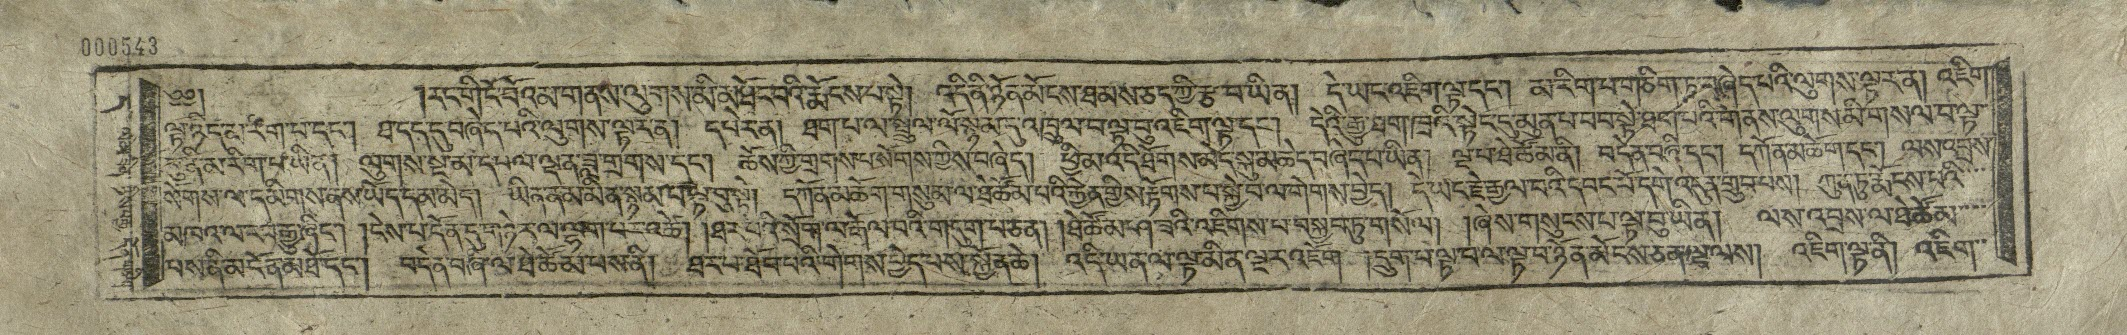༄༅། །རང་གི་ངོ་བོའམ་གནས་ལུགས་མི་མཐོང་བའི་རྨོངས་པ་སྟེ། འདི་ནི་ཉོན་མོངས་ཐམས་ཅད་ཀྱི་རྩ་བ་ཡིན། དེ་ཡང་འཇིག་ལྟ་དང་། མ་རིག་པ་གཅིག་ཏུ་བཞེད་པའི་ལུགས་ལྟར་ན། འཇིག་
ལྟ་ཉིད་མ་རིག་པ་དང་། ཐ་དད་དུ་བཞེད་པའི་ལུགས་ལྟར་ན། དཔེར་ན། ཐག་པ་ལ་སྦྲུལ་ལོ་སྙམ་དུ་འཁྲུལ་བ་ལྟ་བུ་འཇིག་ལྟ་དང་། དེའི་རྒྱུ་ཐག་ཁྲའི་སྟེང་དུ་མུན་པ་བབ་སྟེ་ཐག་པའི་གནས་ལུགས་མི་གསལ་བ་ལྟ་
བུ་ནི་མ་རིག་པ་ཡིན། ལུགས་སྔ་མ་དཔལ་ལྡན་ཟླ་གྲགས་དང་། ཆོས་ཀྱི་གྲགས་པ་སོགས་ཀྱིས་བཞེད། ཕྱི་མ་འདི་ཐོགས་མེད་སྐུ་མཆེད་བཞེད་པ་ཡིན། ལྔ་པ་ཐེ་ཚོམ་ནི། བདེན་བཞི་དང་། དཀོན་མཆོག་དང་། ལས་འབྲས་
སོགས་ལ་དམིགས་ནས་ཡོད་དམ་མེད། ཡིན་ནམ་མིན་སྙམ་པ་ལྟ་བུ་སྟེ། དཀོན་མཆོག་གསུམ་ལ་ཐེ་ཚོམ་པའི་རྐྱེན་གྱིས་རྟོགས་པ་སྐྱེ་བ་ལ་གེགས་བྱེད། དེ་ཡང་རྗེ་རྒྱལ་བའི་དབང་པོ་དགེ་འདུན་གྲུབ་པས། ཀུན་ཏུ་རྨོངས་པའི་
མཁའ་ལ་རབ་རྒྱུ་ཞིང་། །ངེས་པ་དོན་དུ་གཉེར་ལ་ལྷག་པར་འཚེ། །ཐར་པའི་སྲོག་ལ་རྒོལ་བའི་གདུག་པ་ཅན། །ཐེ་ཚོམ་ཤ་ཟའི་འཇིགས་པ་བསྐྱབ་ཏུ་གསོལ། །ཞེས་གསུངས་པ་ལྟ་བུ་ཡིན། ལས་འབྲས་ལ་ཐེ་ཚོམ་
པས་ནི་མངོན་མཐོ་དང་། བདེན་བཞི་ལ་ཐེ་ཚོམ་པས་ནི། ཐར་པ་ཐོབ་པའི་གེགས་བྱེད་པས་སྐྱོན་ཆེ། འདི་ཡན་ལ་ལྟ་མིན་ལྔར་འཇོག །དྲུག་པ་ལྟ་བ་ལ་ལྟ་བ་ཉོན་མོངས་ཅན་ལྔ་ལས། འཇིག་ལྟ་ནི། འཇིག་